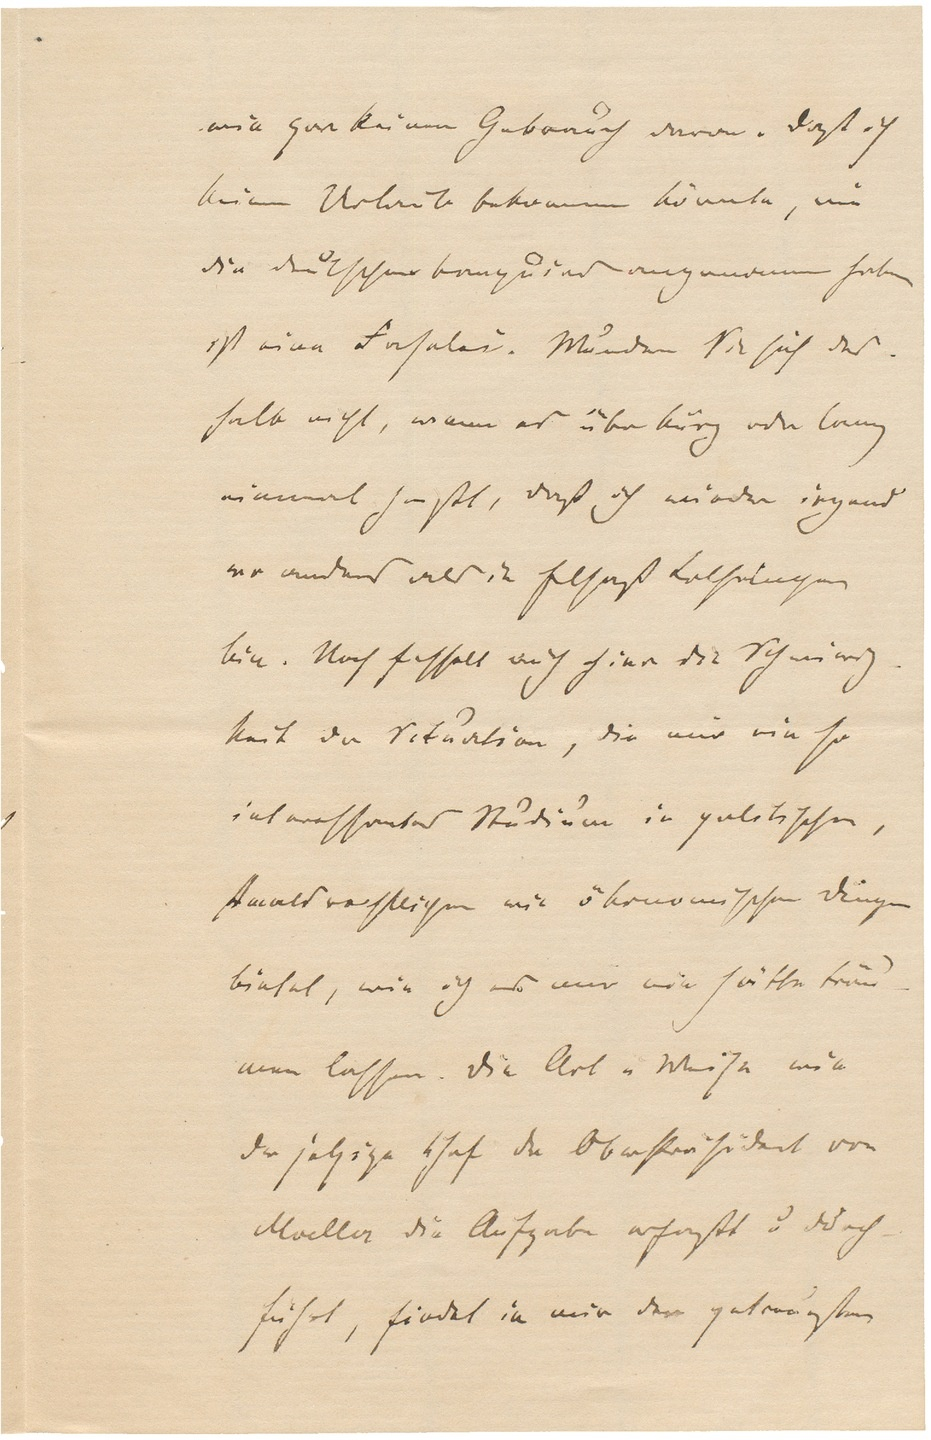wie gar keinen Gebrauch davon. Daß ich
keinen Urlaub bekommen könnte, wie
die deutschen Banquiers angenommen haben
ist eine Faselei. Wundern Sie sich des-
halb nicht, wenn es über kurz oder lang
einmal heißt, daß ich wieder irgend
wo anders als in Elsaß Lothringen
bin. Noch fesselt auch hier die Schwierig-
keit der Situation, die mir ein so
interessantes Studium in politischen,
staatsrechtlichen wie ökonomischen Dingen
bietet, wie ich es mir nie hätte träu-
men lassen. Die Art u Weise wie
der jetzige Chef der OberPräsident von
Moeller die Aufgabe erfaßt u durch-
führt, findet in mir den getreuesten